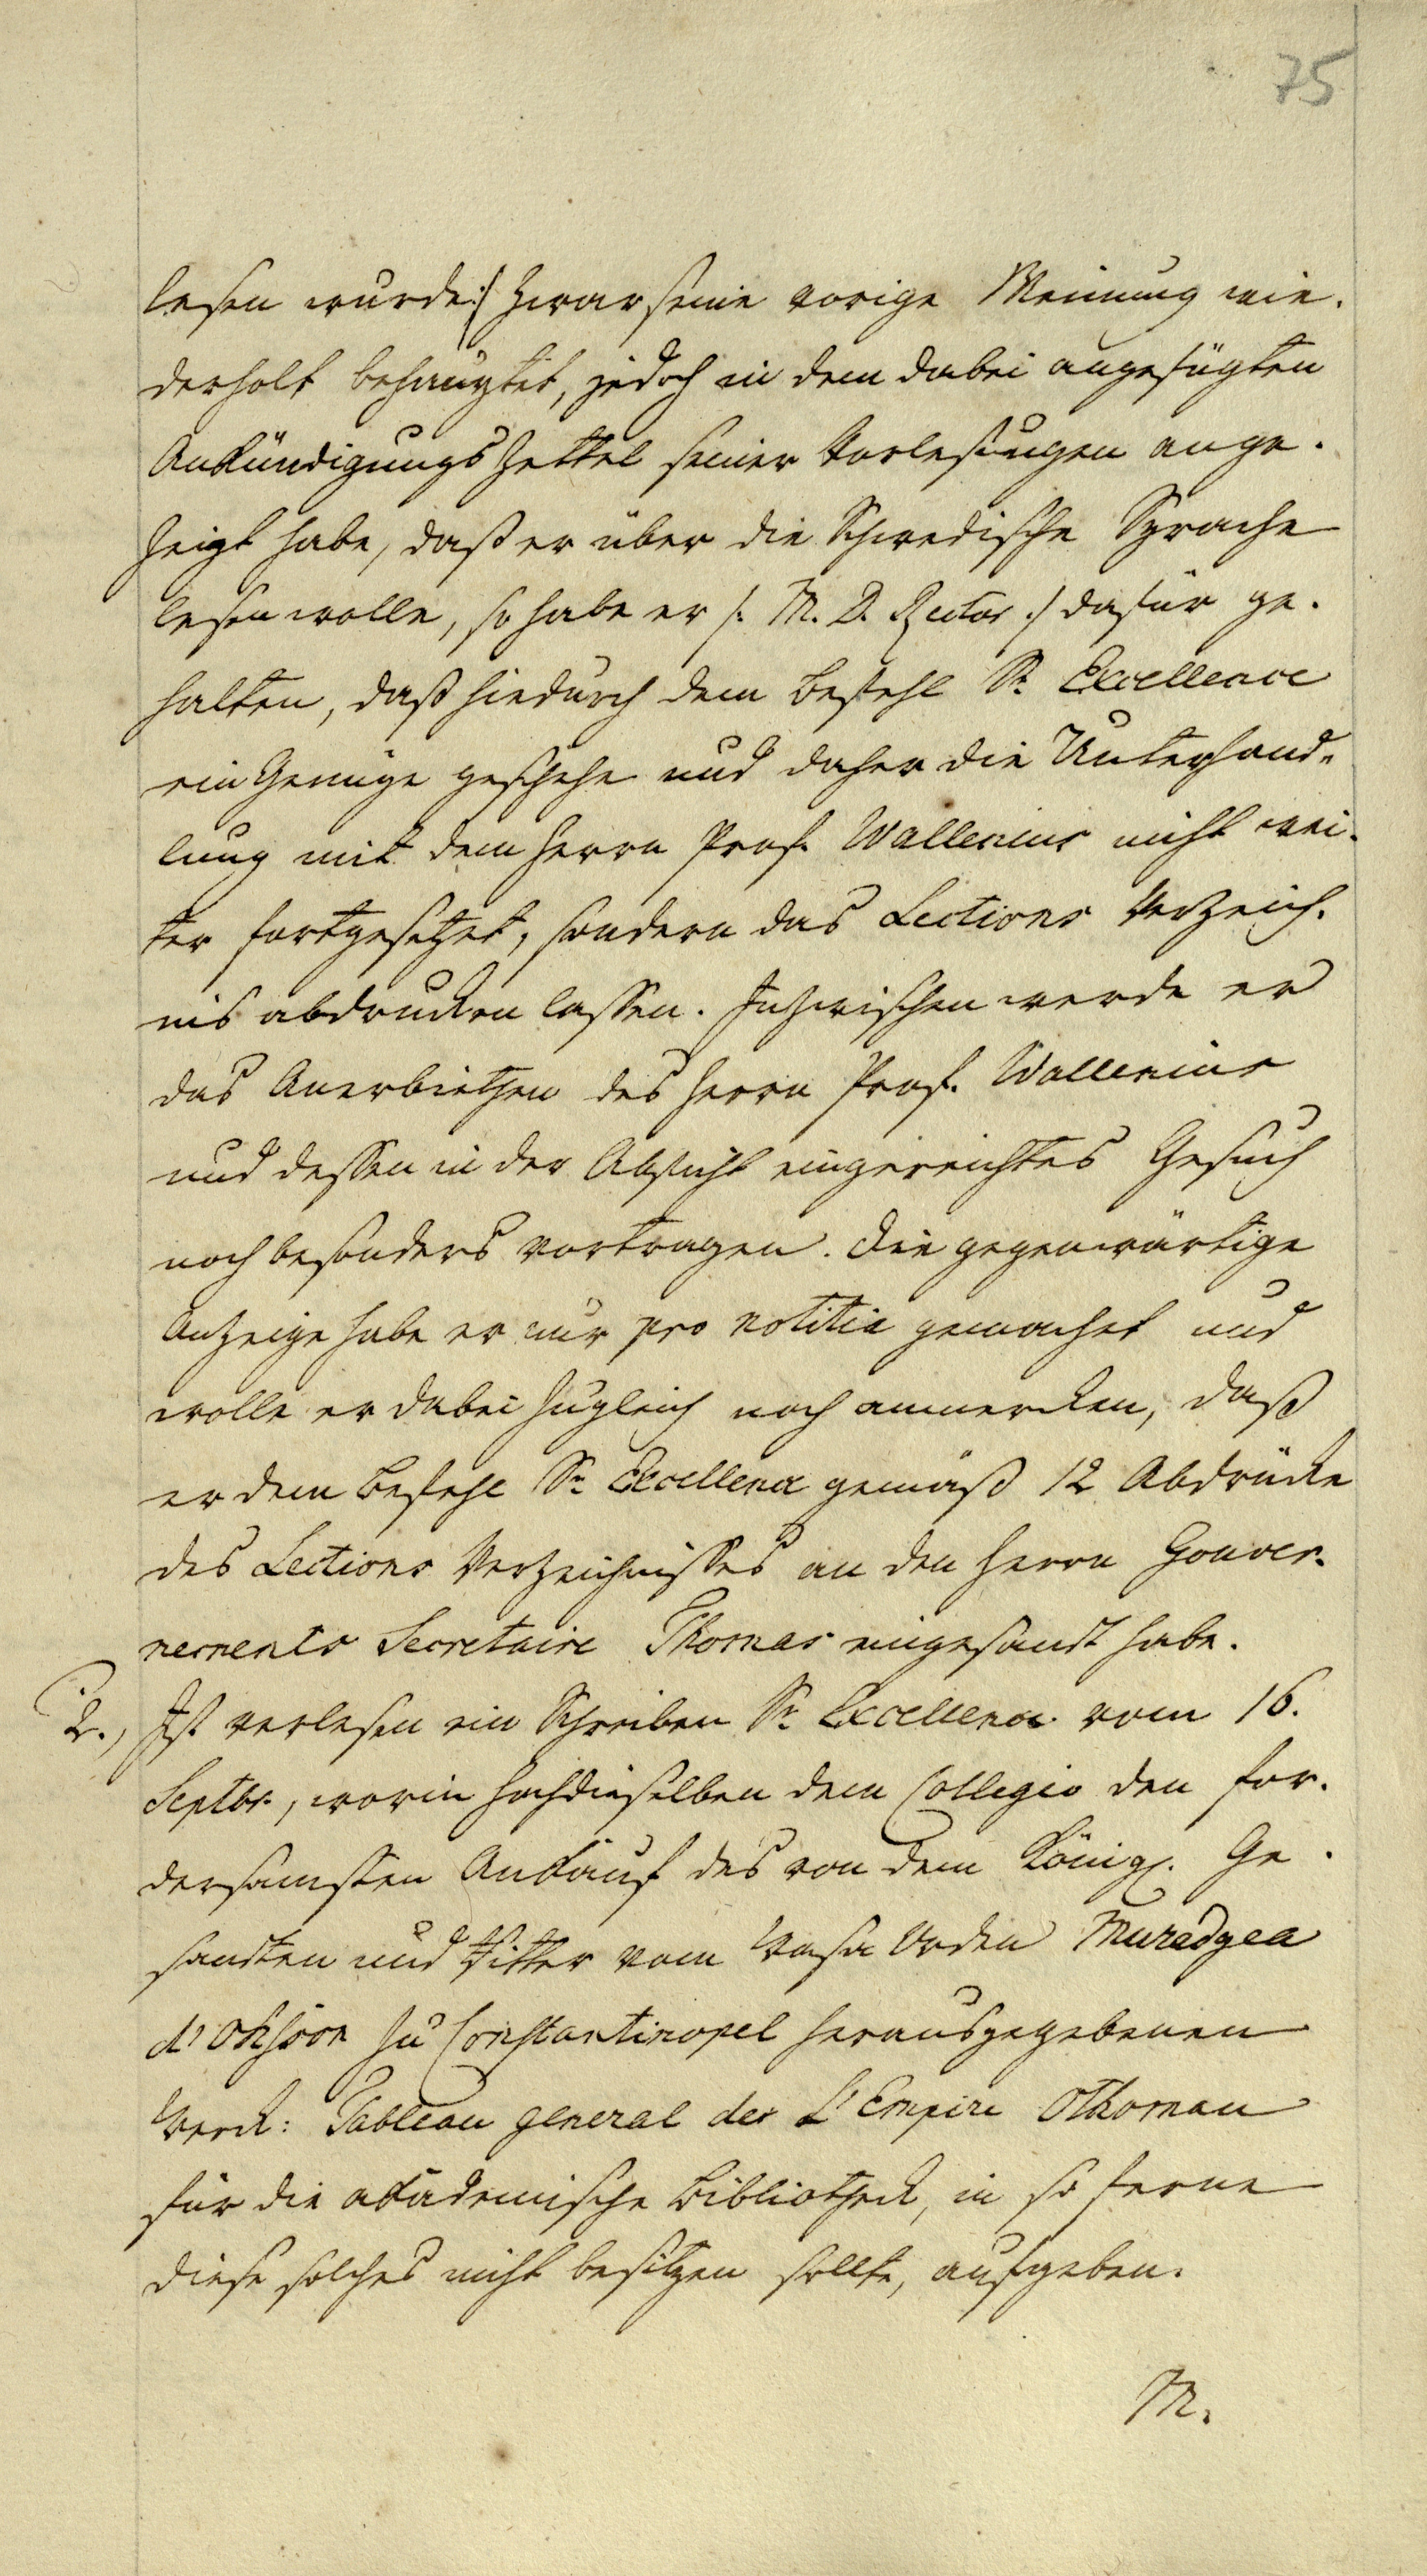lesen wurde :/ zwar seine vorigen Meinung wie¬
derholt behauptet, jedoch in dem dabei angefügten
Ankündigungszettel seiner Vorlesungen ange¬
zeiget habe, daß er über die Schwedische Sprache
lesen wolle, so habe er /. M. D. Rector ./ dafür ge¬
halten, daß hiedurch dem Befehl Sr Excellence
ein Genüge geschehe und daher die Unterhand¬
lung mit dem Herrn Prof. Wallenius nicht wei¬
ter fortgesetzt, sondern das Lections Verzeich¬
nis abdrucken lassen. Inzwischen werde er
das Anerbiethen des Herrn Prof. Wallenius
und dessen in der Absicht eingereichtes Gesuch
noch besonders vortragen. Die gegenwärtige
Anzeige habe er nur pro notitia gemachet und
wolle er dabei zugleich noch anmercken, daß
er dem Befehl Sr. Excellence gemäß 12 Abdrücke
des Lections Verzeichnisses an den Herrn Gouver¬
nements Secretaire Thomas eingesandt habe.
2., Ist verlesen ein Schreiben Sr Excellence vom 16.
Septbr., worin hochdieselben dem Collegio den for¬
dersamsten Ankauf des von dem Königl. Ge¬
snndten und Ritter vom Wasa Orden Muradgea
d Ohsson zu Constantinopel herausgegebenen
Werck: Tableau General der L Empire Othoman
für die akademische Bibliotheck, in so ferne
diese solches nicht besitzen sollte, aufgeben.
M.